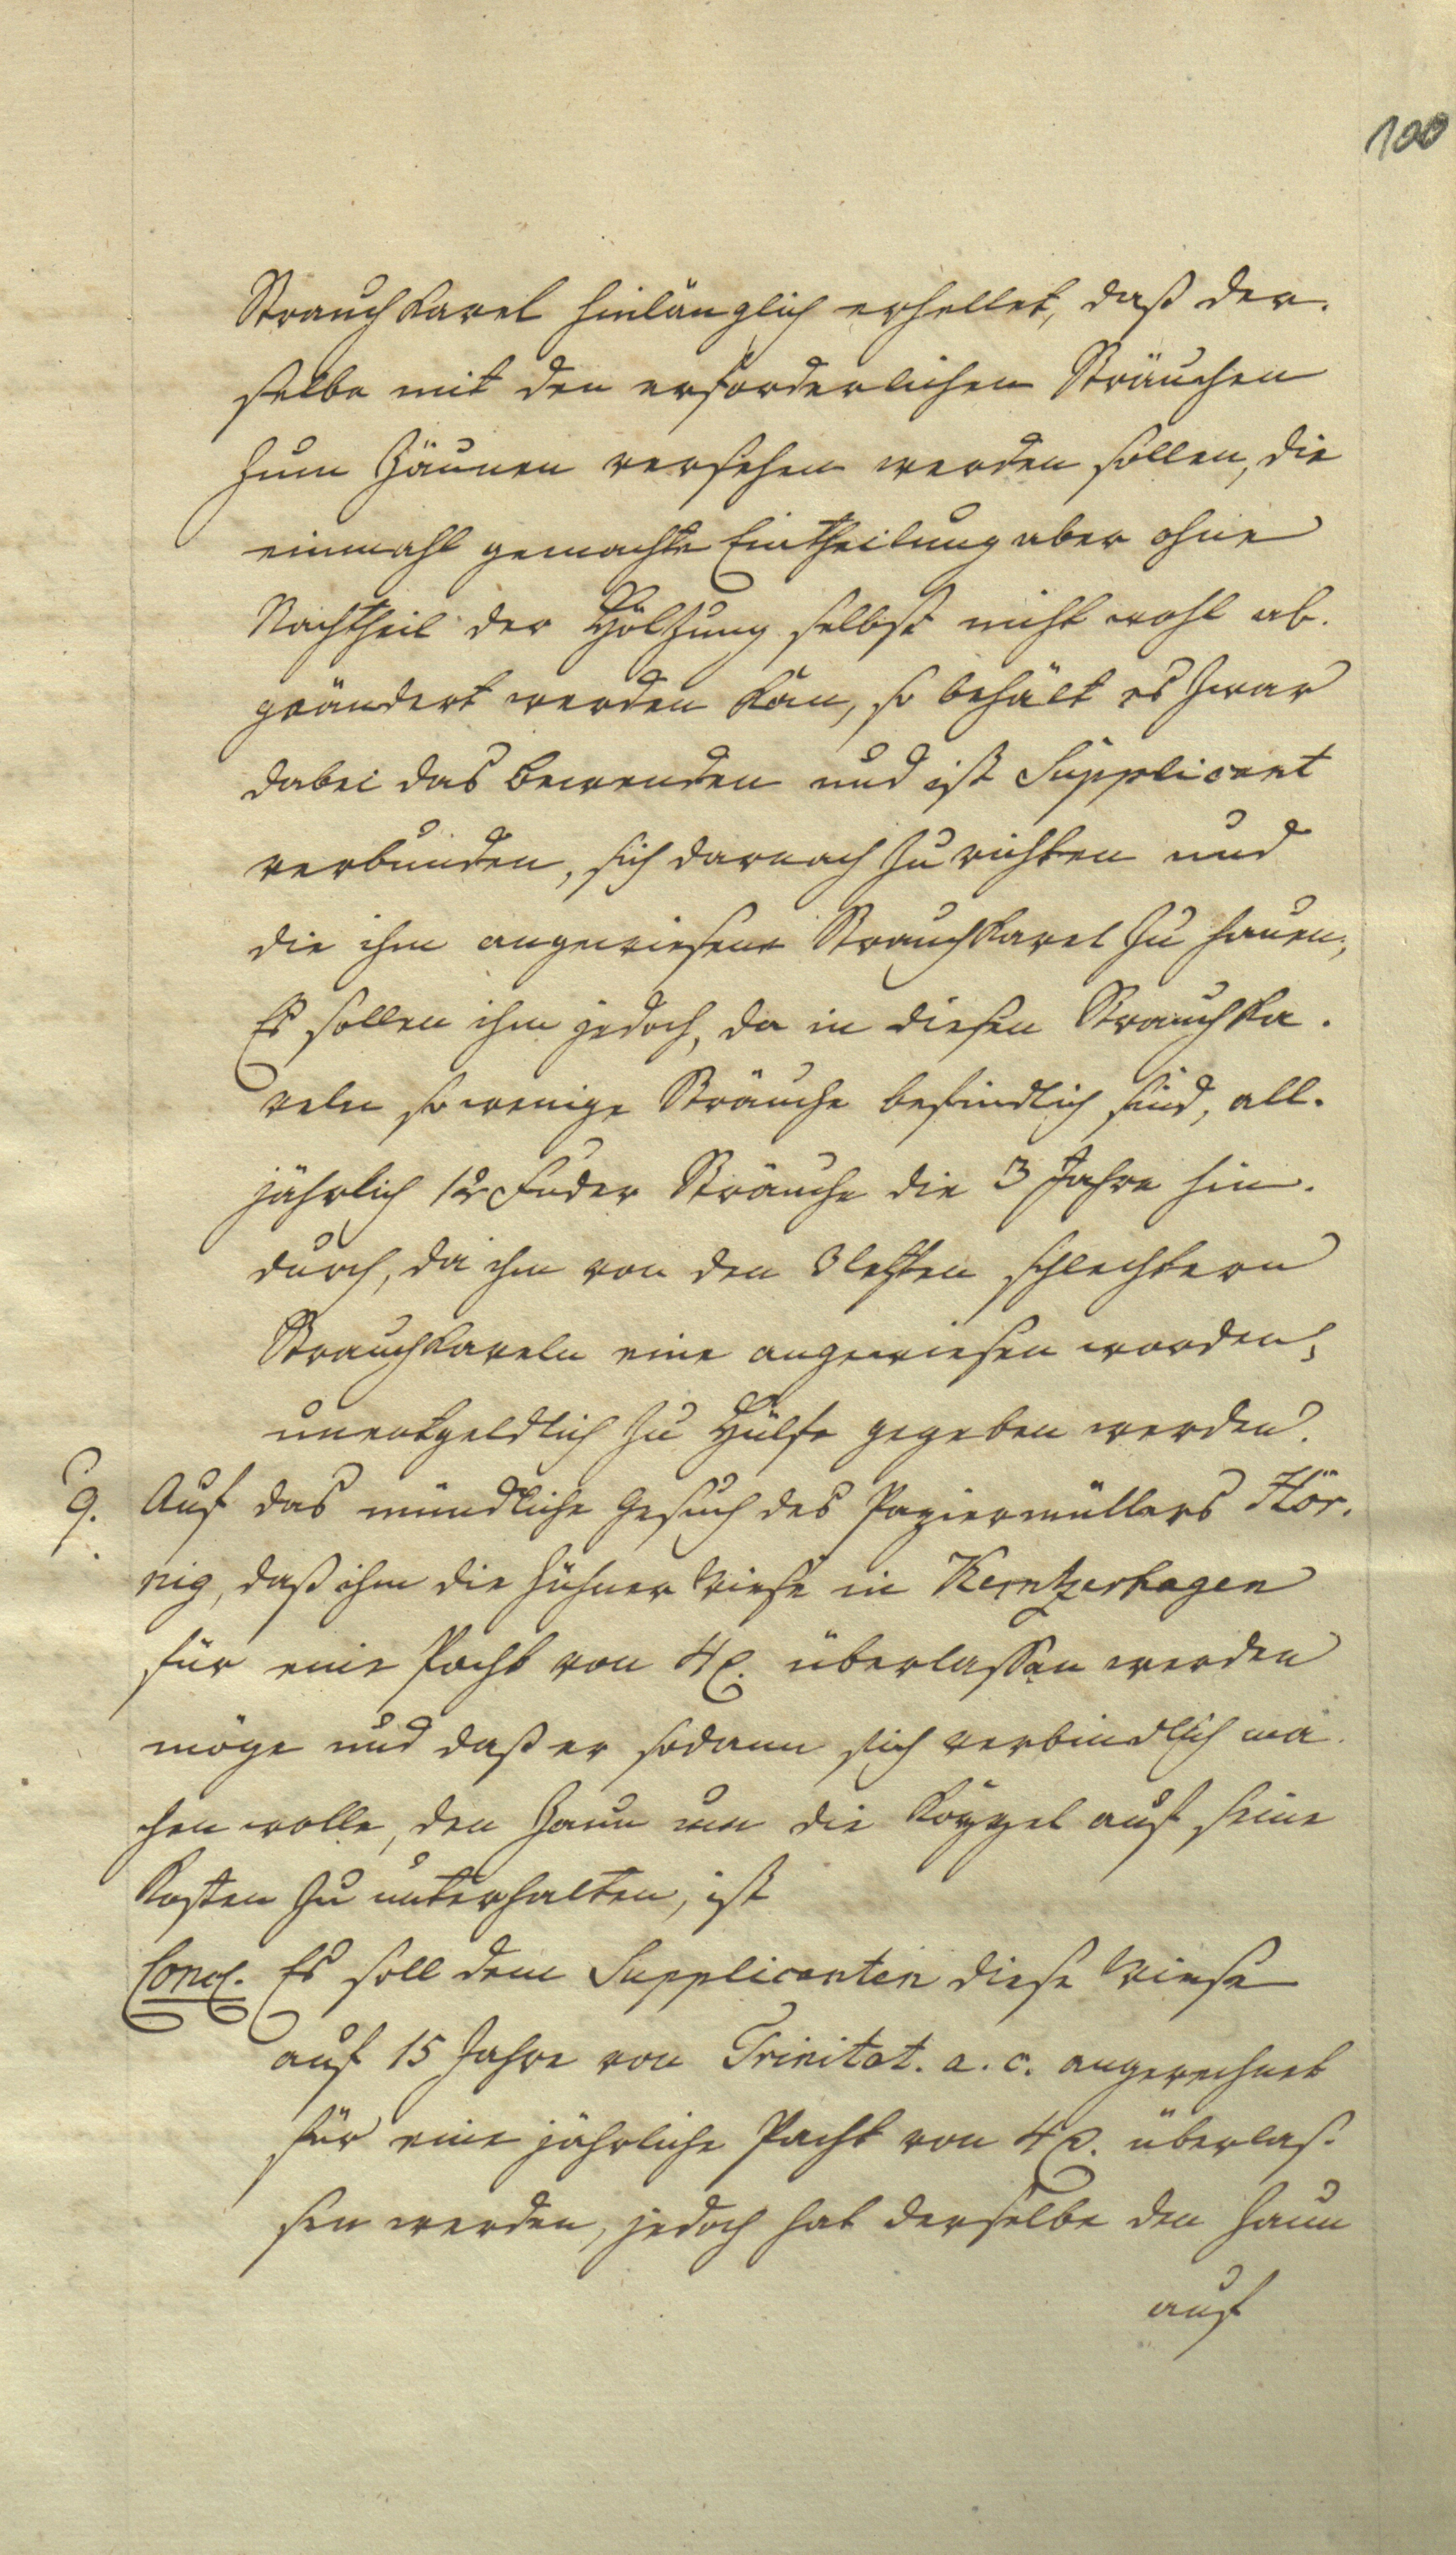Strauchkavel hinlänglich erhellet, daß der-
selbe mit den erforderlichen Sträuchen
zum Zäunen versehen werden sollen, die
einmahl gemachte Eintheilung aber ohne
Nachtheil der Hölzung selbst nicht wohl ab¬
geändert werden kan, so behält es zwar
dabei das Bewenden und ist Supplicant
verbunden, sich darnach zu richten und
die ihm angewiesene Strauchkavel zu hauen,
Es sollen ihm jedoch, da in diesen Strauchka¬
veln so wenige Sträuche befindlich sind, all¬
jährlich 12 Fuder Sträuche die 3 Jahre hin¬
durch, da ihm von den 3 letzten schlechtern
Strauchkaveln eine angewiesen worden,
unentgeldlich zu Hülfe gegeben werden.
9. Auf das mündliche Gesuch des Papiermüllers Hor¬
nig, daß ihm die Hühner Wiese in Kemtzerhagen
für eine Pacht von 4 l. überlassen werden
möge und daß er sodann sich verbindlich ma¬
chen wolle, den Zaun um die Koppel auf seine
Kosten zu unterhalten, ist
Concl. Es soll dem Supplicanten diese Wiese
auf 15 Jahre von Trinitat. a. c. angerechnet
für eine jährliche Pacht von 4 l. überlas¬
sen werden, jedoch hat derselbe den Zaun
auf